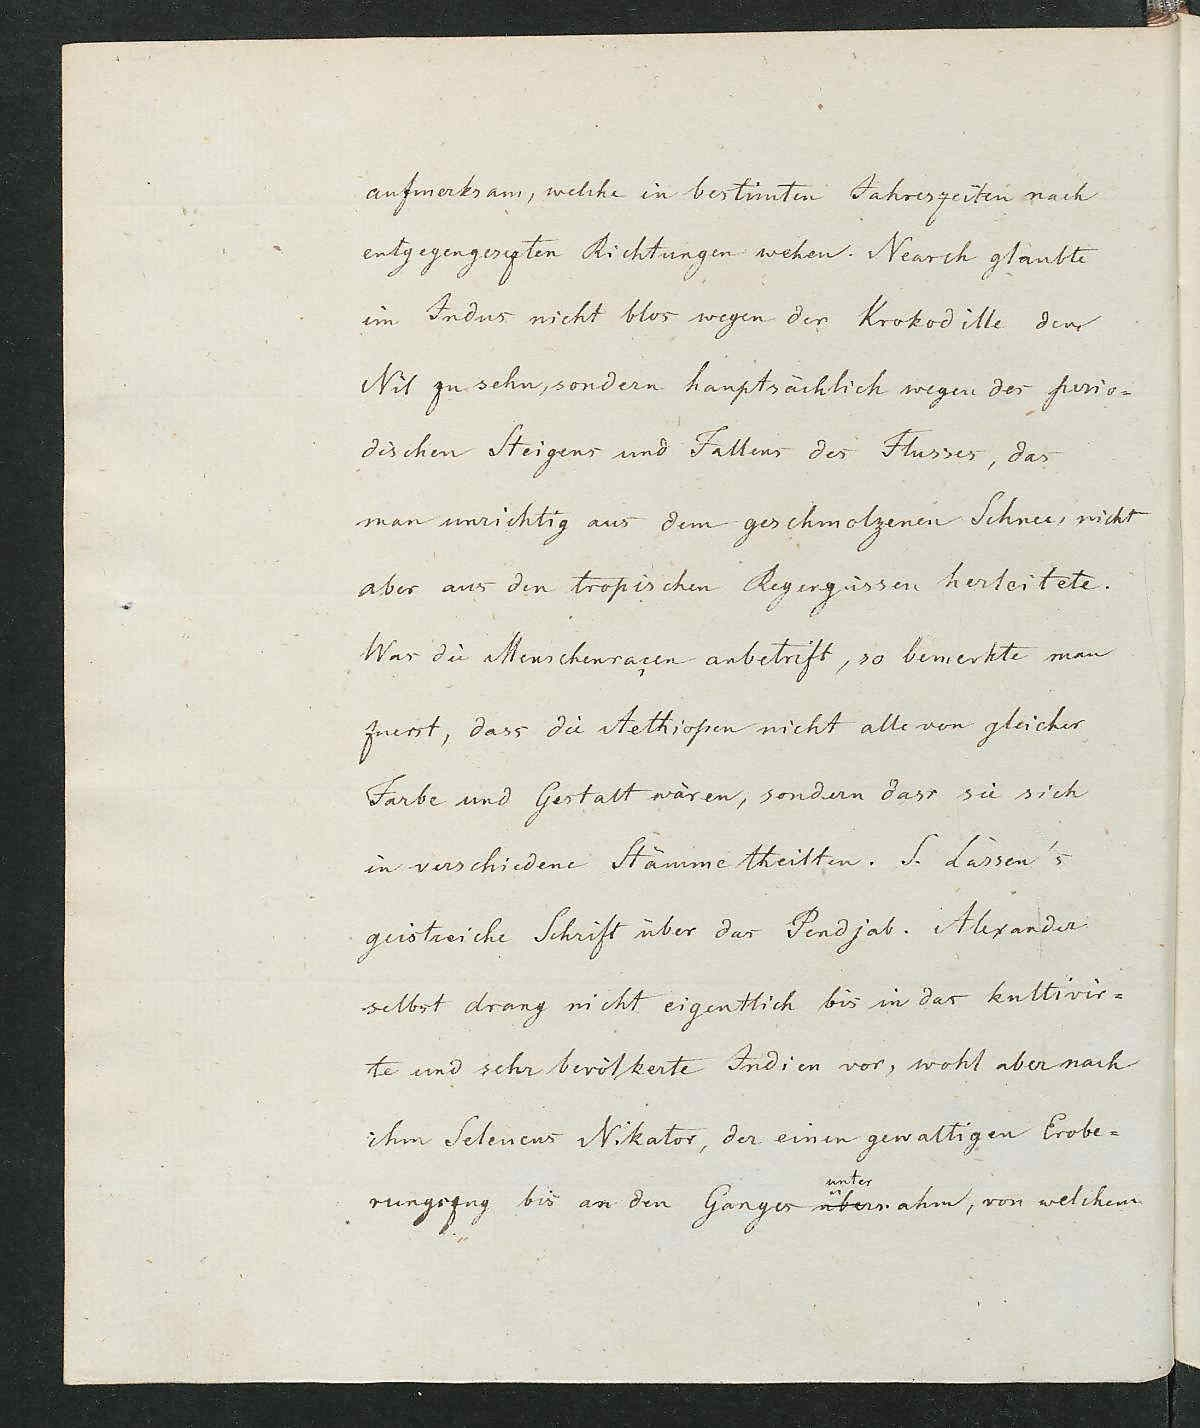aufmerksam, welche in bestimten Jahreszeiten nach
entgegengesezten Richtungen wehen. Nearch glaubte
im Indus nicht blos wegen der Krokodille den
Nil zu sehn, sondern hauptsächlich wegen des perio-
dischen Steigens und Fallens des Flusses, das
man unrichtig aus dem geschmolzenen Schnee, nicht
aber aus den tropischen Regengüssen herleitete.
Was die Menschenraçen anbetrift, so bemerkte man
zuerst, dass die Aethiopen nicht alle von gleicher
Farbe und Gestalt wären, sondern dass sie sich
in verschiedene Stämme theilten. S. Lassen's
geistreiche Schrift über das Pendjab. Alexander
selbst drang nicht eigentlich bis in das kultivir-
te und sehr bevölkerte Indien vor, wohl aber nach
ihm Seleucus Nikator, der einen gewaltigen Erobe-
rungszug bis an den Ganges überunternahm, von welchem